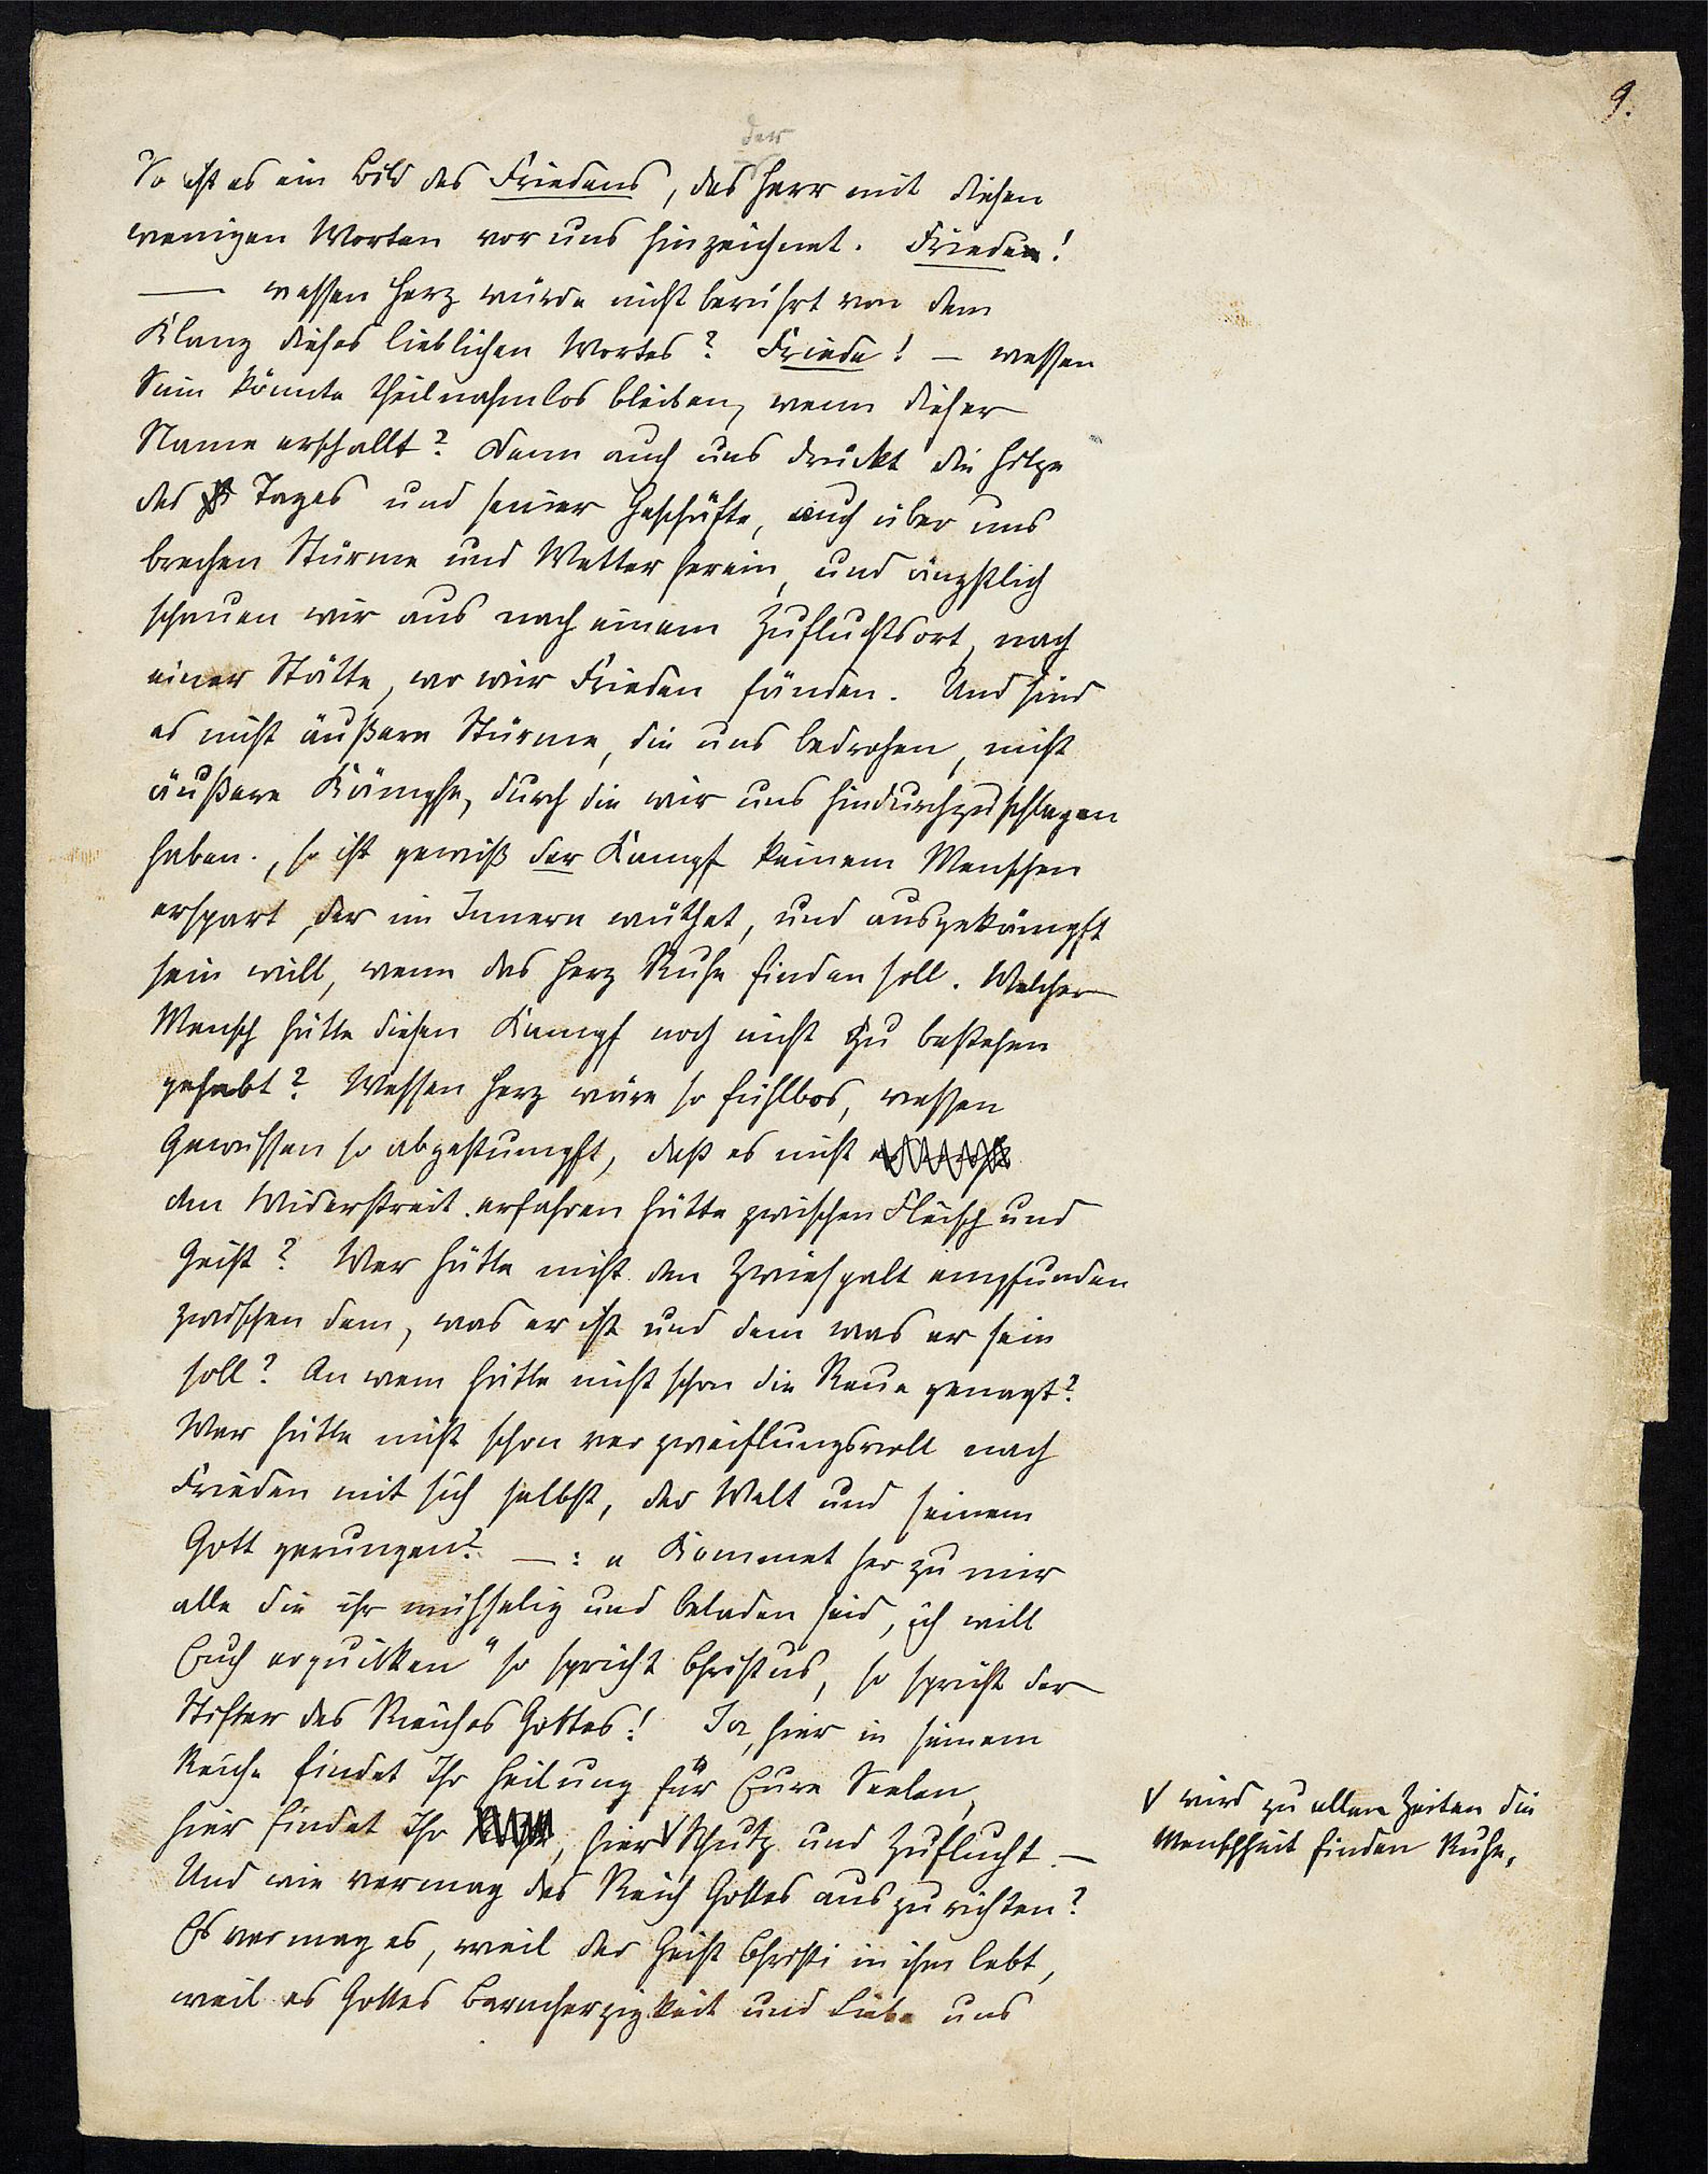der
So ist es ein Bild des Friedens, das Herr mit diesen
ewigen Worten vor uns hinzeichnet. Frieden!
wessen Herz würde nicht berührt von dem
Klang dieses lieblichen Wortes? Friede! _ wessen
Sinn könnte theilnahmlos bleiben, wenn dieser
Name erschallt? Denn auch uns drückt die Hitze
des h Tages und seiner Geschäft, auch über uns
brechen Stürme und Wetter herein, und ängstlich
schauen wir aus nach einem Zufluchtsort, nach
einer Stätte, wo wir Frieden fänden. Und sind
es nicht äußere Stürme, die uns bedrohen, nicht
äußere Kämpfe, durch die wir uns hindurchzuschlagen
haben, so ist gewiß der Kampf keinem Menschen
erspart, der im Innern wüthet, und ausgekämpft
sein will, wenn das Ruhe finden soll. Welcher
Mensch hätte diesen Kampf noch nicht zu bestehen
gehabt? Wessen Herz wäre so fühllos, wessen
Gewissen so abgestumpft, daß es nicht es macht
dem Widerstreit erfahren hätte zwischen Fleisch und
Geist? Wer hätte nicht den Zwiespalt empfunden
zwischen dem, was er ist und dem was er sein
soll? An wem hätte nicht schon die Reue genagt?
Wer hätte nicht schon verzweiflungsvoll nach
Frieden mit sich selbst, der Welt und seinem
Gott gerungen? _ : "Kommet her zu mir
alle die ihr mühselig und beladen seid, ich will
Euch erquicken" so spricht Christus, so spricht der
Stifter des Reiches Gottes! Ja, hier in seinem
Reiche findet Ihr Heilung für Eure Seelen,
hier findet ihr Ruhe, hier V Schutz und Zuflucht.
Und wie vermag das Reich Gottes auszurichten?
Es vermag es, weil der Geist Christi in ihm lebt,
weil es Gottes Barmherzigkeit und Liebe aus
wird zu allen Zeiten die
Menschheit finden Ruhe,
9.